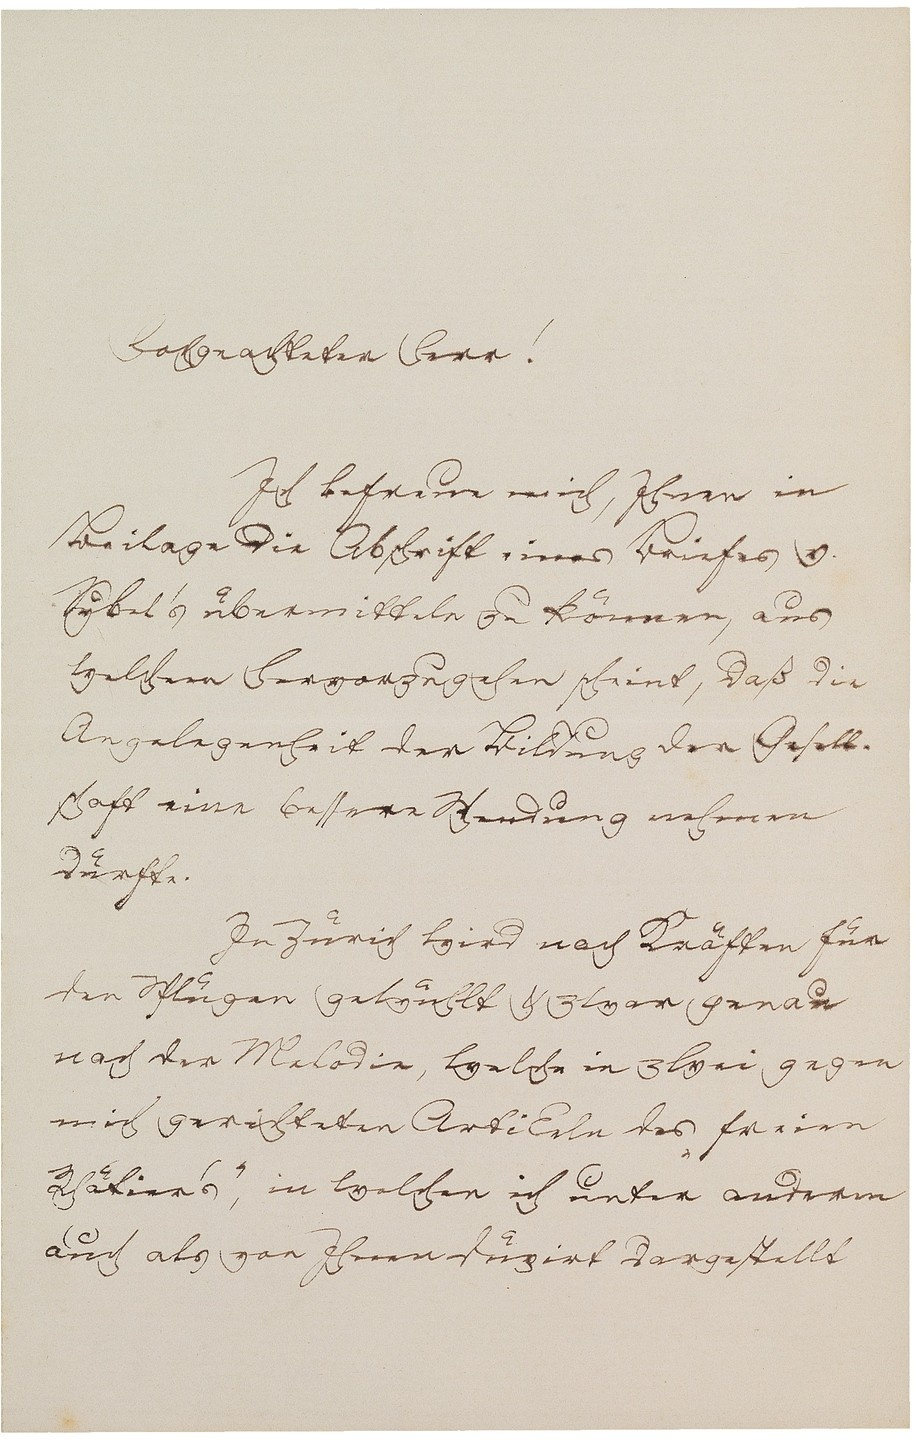Hochgeachteter Herr!
Ich befreue mich, Ihnen in
Beilage die Abschrift eines Briefes v.
Sybel's übermitteln zu können, aus
welchem hervorzugehen scheint, daß die
Angelegenheit der Bildung der Gesell-
schaft eine bessere Wendung nehmen
dürfte.
In Zürich wird nach Kräften für
den Splügen gewühlt & zwar genau
nach der Melodie, welche in zwei gegen
mich gerichteten Artikeln des «freien
Rhätier's», in welchen ich unter anderm
auch als von Ihnen düpirt dargestellt